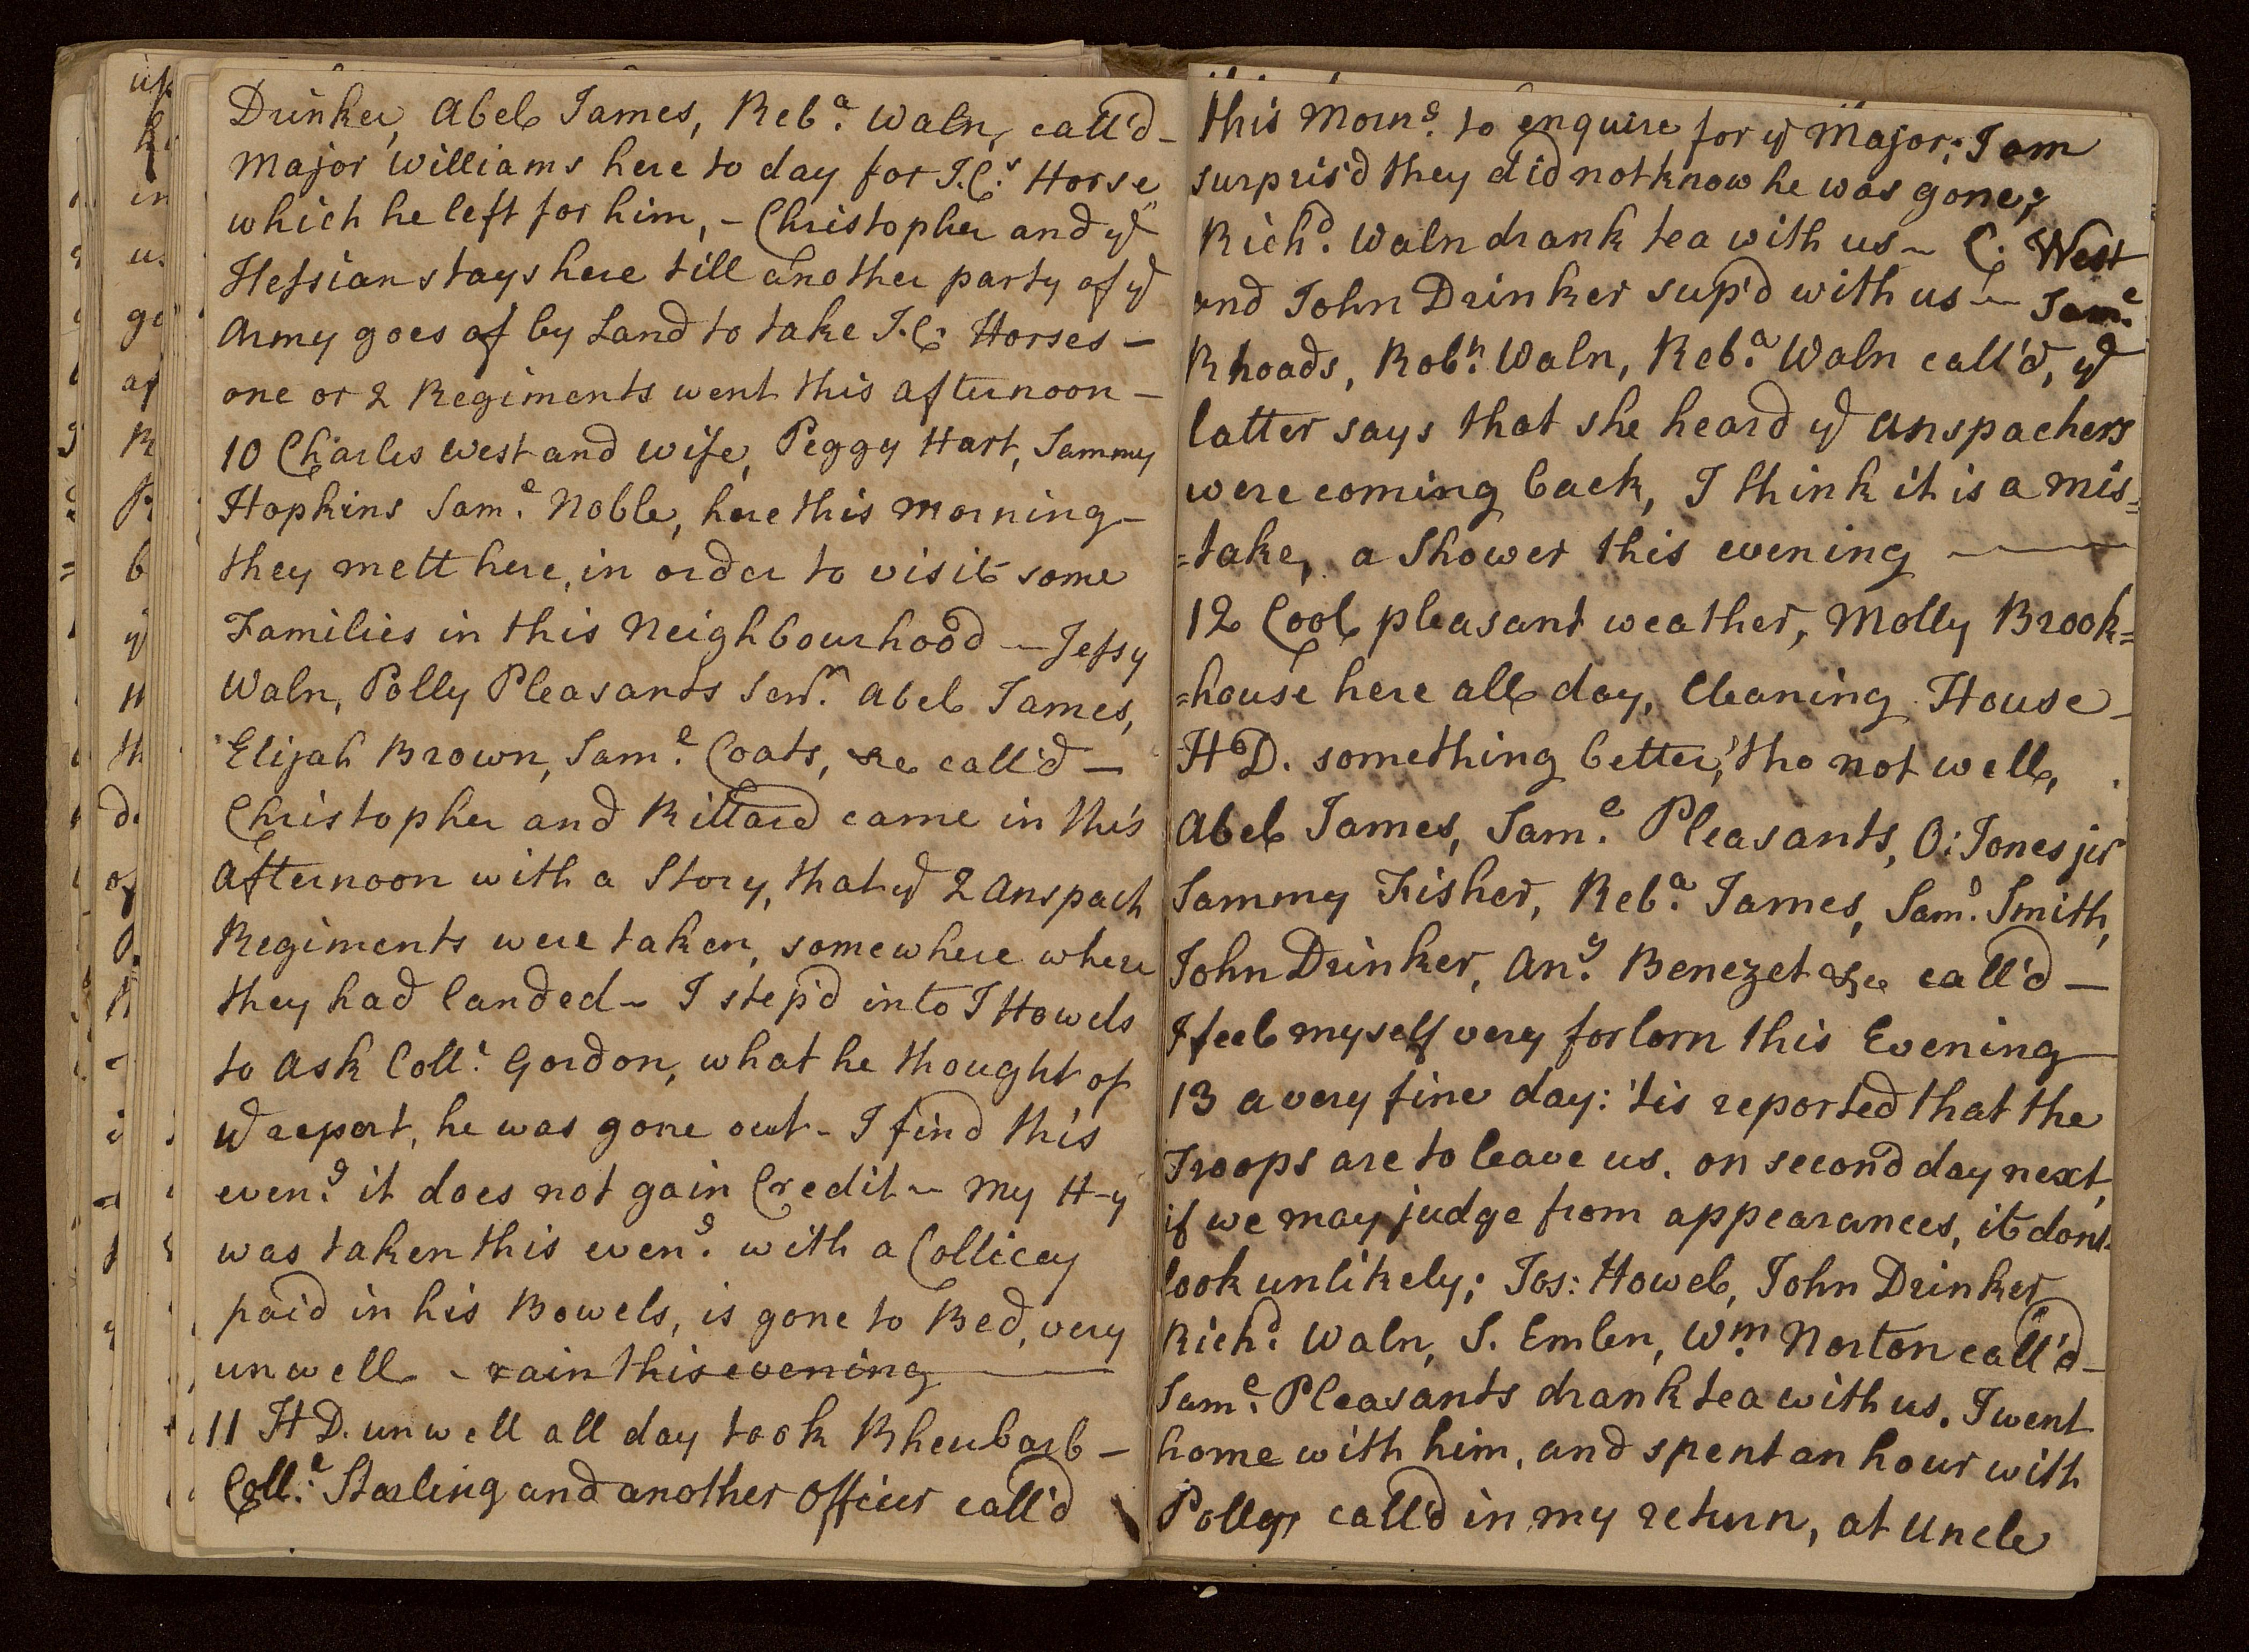Drinker, Abel James, Reb^a. Waln, call'd-
Major Williams here to day for J.C^s. Horse,
which he left for him,- Christopher and y^e
Hessian stays here till another party of y^e
Army goes of by Land to take J.C. Horses-
one or 2 Regiments went this Afternoon-
10 Charles West and wife, Peggy Hart, Sammy
Hopkins Sam^l. Noble, here this Morning-
they mett here in order to visit some
Families in this Neighbourhood- Jessy
Waln, Polly Pleasands Sen^r. Abel James,
Elijah Brown, Sam^l. Coats, &c call'd-
Christopher and Rittard came in this
Afternoon with a Story, that y^e 2 anspach
Regiments were taken, somewhere where
they had landed- I step'd into T Howels
to ask Coll^l. Gordon, what he thought of
y^e report, he was gone out- I find this
even^g. it does not gain Credit- my H-y
was taken this even^g. with a Collicey
paid in his Bowels, is gone to Bed, very
unwell- rain this evening
11 H D. unwell all day took Rheubarb-
Coll^l. Starling and another Officer call'd
this Morn^g. to enquire for y^e Major; I am
surpris'd they did not know he was gone,
Rich^d. Waln drank tea with us- C. West
and John Drinker sup'd with us- Jan^e.
Rhoads, Rob^t. Waln, Reb^a. Waln call'd, y^e
latter says that she heard y^e Anspachers
were coming back, I think it is a mis-
-take, a shower this evening-
12 Cool pleasant weather, Molly Brook-
-house here all day, Cleaning. House-
H D. something better, 'tho not well,
Abel James, Sam^l. Pleasants, O: Jones jur
Sammy Fisher, Reb^a. James, Sam^l. Smith,
John Drinker, An^y. Benezet &c call'd-
I feel myself very forlorn this Evening
13 a very fine day: 'tis reported that the
Troops are to leave us, on second day next,
if we may judge from appearances, it don't
look unlikely; Jos: Howel, John Drinker,
Rich^d. Waln, S. Emlen, W^m. Norton call'd-
Sam^l. Pleasants drank tea with us. I went
home with him, and spent an hour with
Polly call'd in my return, at Uncle